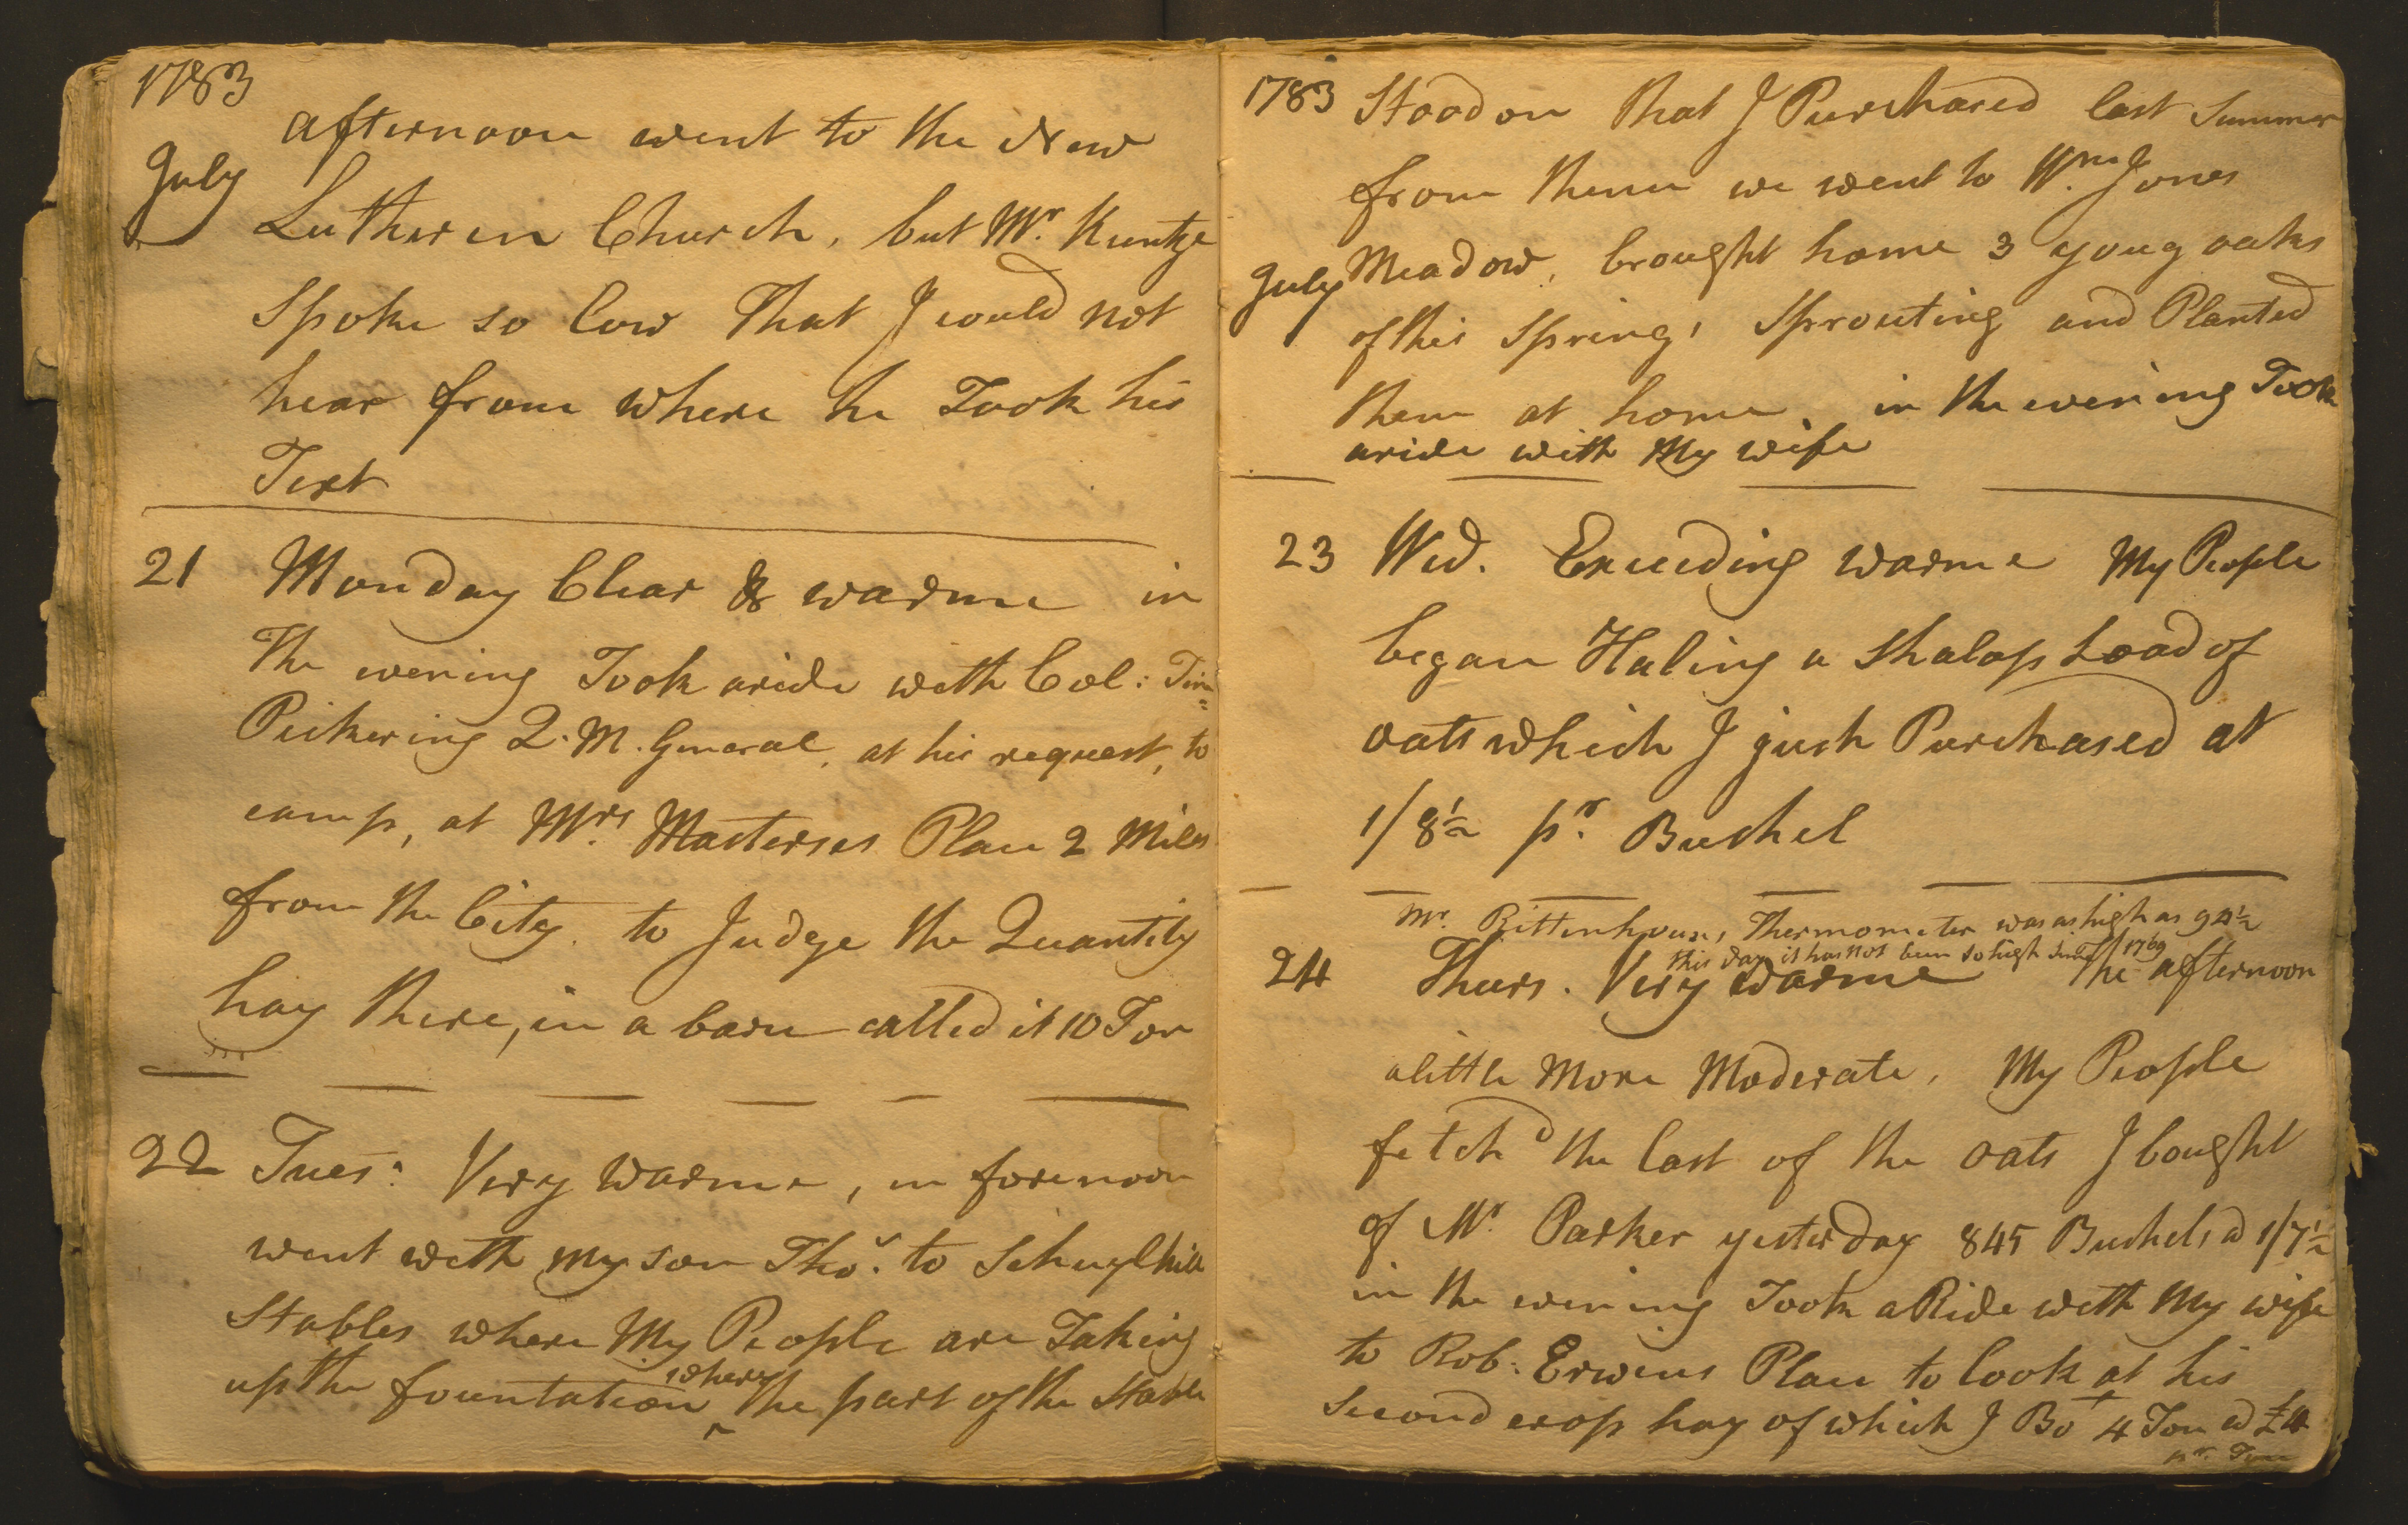1783
July
Afternoon went to the New
Lutheren Church, but M^r. Kuntze
Spoke so low That I could not
hear from where he Took his
Text
21 Monday Clear & warme in
the evening Took a ride with Col: Tim
Pickering Q. M. General at his request to
camp, at M^rs. Masterses Place 2 Miles
from the City to Judge the Quantity
hay there, in a barn called it 10 Ton
22 Tues: Very Warme, in forenoon
went with my son Tho^s. to Schuylkill
Stables where My People are Taking
to here
up the fountation ^ the part of the Stable
1783 Stood on that I Purchased last Summer
fron thence we went to W^m. Jones
July Meadow brought home 3 youg oaks
of this Spring, Sprouting and Planted
them at home, in the evening Took
a ride with My wife
23 Wed. Exceeding Warme My People
begai Haling a Shalop Load of
oats which I just Purchased at
1s8 1/2 p^r. Bushel
M^r. Rittinhouses Thermometer was as high as 94 1/2
this day, it has not been so high sea since 1769
24 Thurs. Very Warme The afternoon
a little More Moderate. My People
fetch^d the last of the oats I bought
of M^r. Parker yesterday 845 Bushels @ 1/ 7 1/2
in the evening Took a Ride with My wife
to Robt. Erwins Place to look at his
second crop hay of which I Bo^t 4 Ton @ £4
p^r. Ton